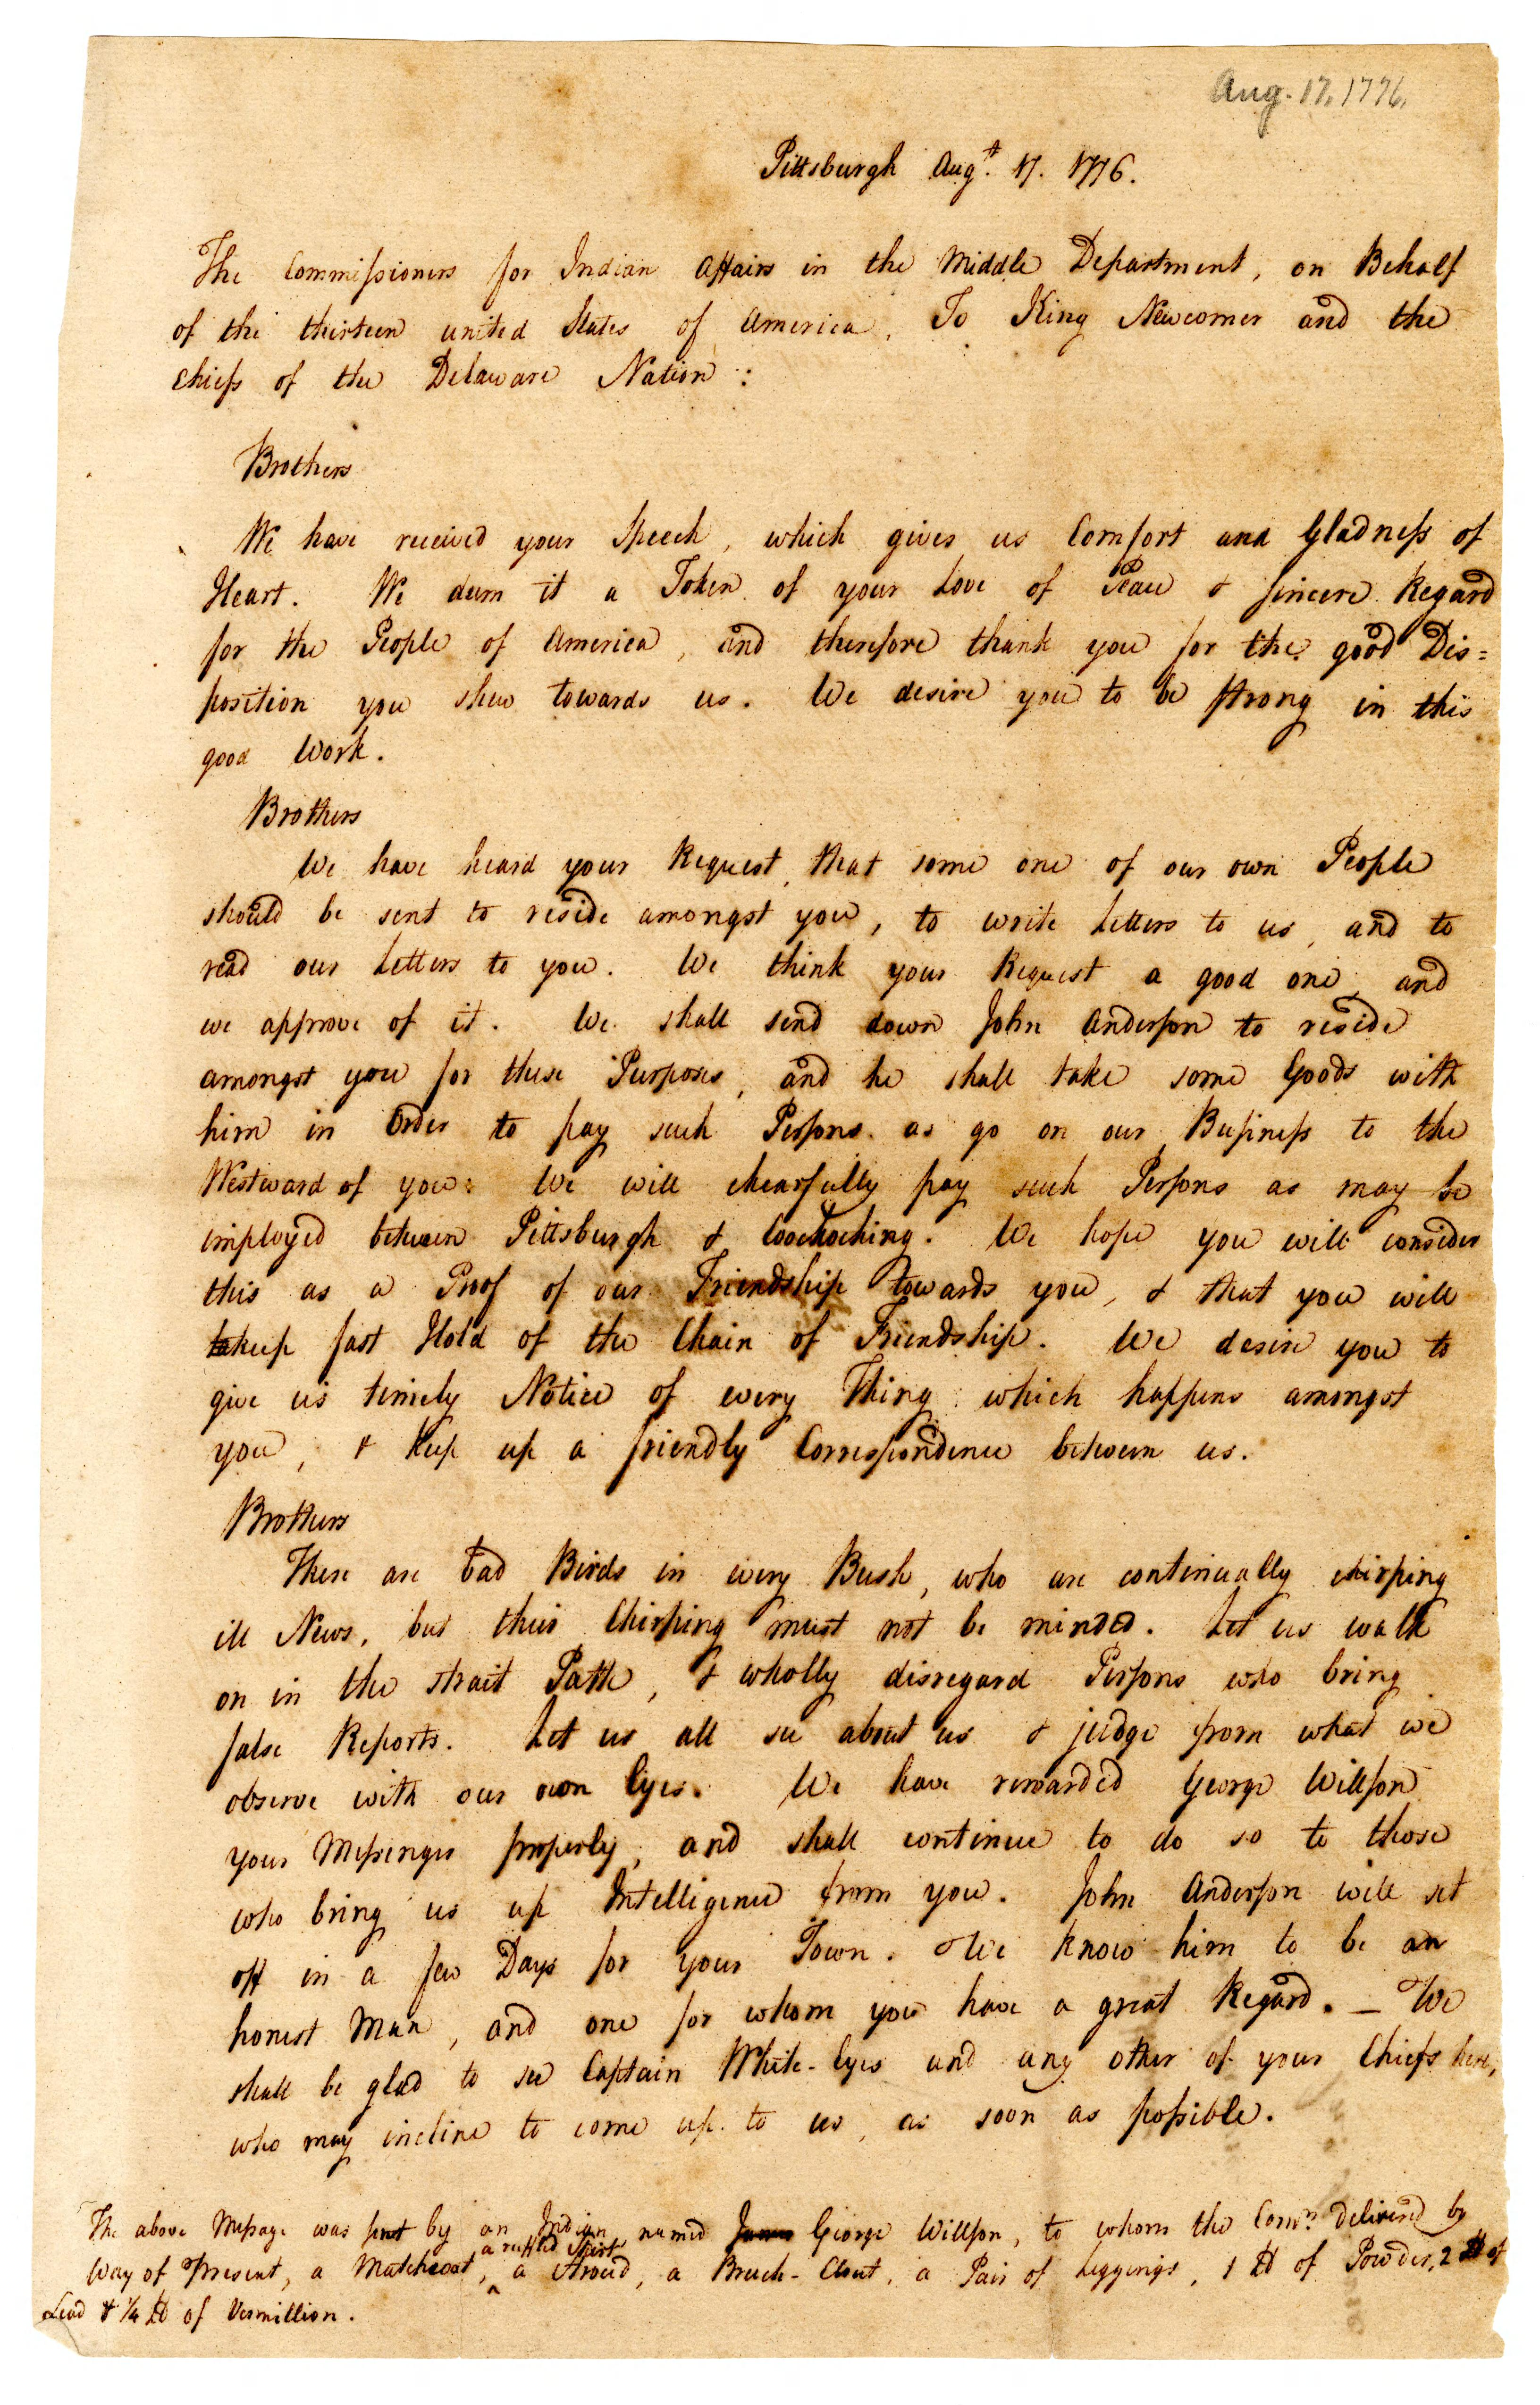Pittsburgh Aug^t. 17. 1776.
The Commissioners for Indian Affairs in the Middle Department, on Behalf
of the thirteen united States of America. To King Newcomer and the
chiefs of the Delaware Nation:
Brothers
We have received your Speech, which gives us Comfort and Gladness of
Heart. We deem it a Token of your Love of Peace & Sincere Regard
for the People of America, and therefore thank you for the good Dis-
position you shew towards us. We desire you to be strong in this
good Work.
Brothers
We have heard your Request that some one of our own People
should be sent to reside amongst you, to write Letters to us and to
read our Letters to you. We think your Request a good one, and
we approve of it. We shall send down John Anderson to reside
amongst you for these Purposes, and he shall take some Goods with
him in order to pay such Persons as go on our Business to the
Westward of you. We will cheerfully pay such Persons as may be
imployed between Pittsburgh & Coockoching. We hope you will consider
this as a Proof of our Friendship towards you, & that you will
keep fast Hold of the Chain of Friendship. We desire you to
give us timely Notice of every Thing which happens amongst
you, & Keep up a friendly Correspondence between us.
Brothers
There are bad Birds in every Bush, who are continually chirping
ill News, but their Chirping must not be minded. Let us walk
on in the strait Path, & wholly disregard Persons who bring
false Reports. Let us all see about us & judge from what we
observe with our own Eyes. We have rewarded George Willson
your Messages properly; and shall continue to do so to those
who bring us up Intelligence from you. John Anderson will set
off in a few Days for your Town. We know him to be an
honest Man, and one for whom you have a great Regard.- We
shall be glad to see Captain White- Eyes and any other of your Chiefs here,
who may incline to come up to us as soon as possible.
The above Message was sent by an Indian named [____] George Willson, to whom the Com^r. deliver'd by
ruffled shirt
way of present a Matchcoat, a ^ Stroud, a Bruch-Clout, a Pair of Leggings, 1 Lb of Powder, 2 Lb of
Lead & 1/4 Lb of Vermillion.